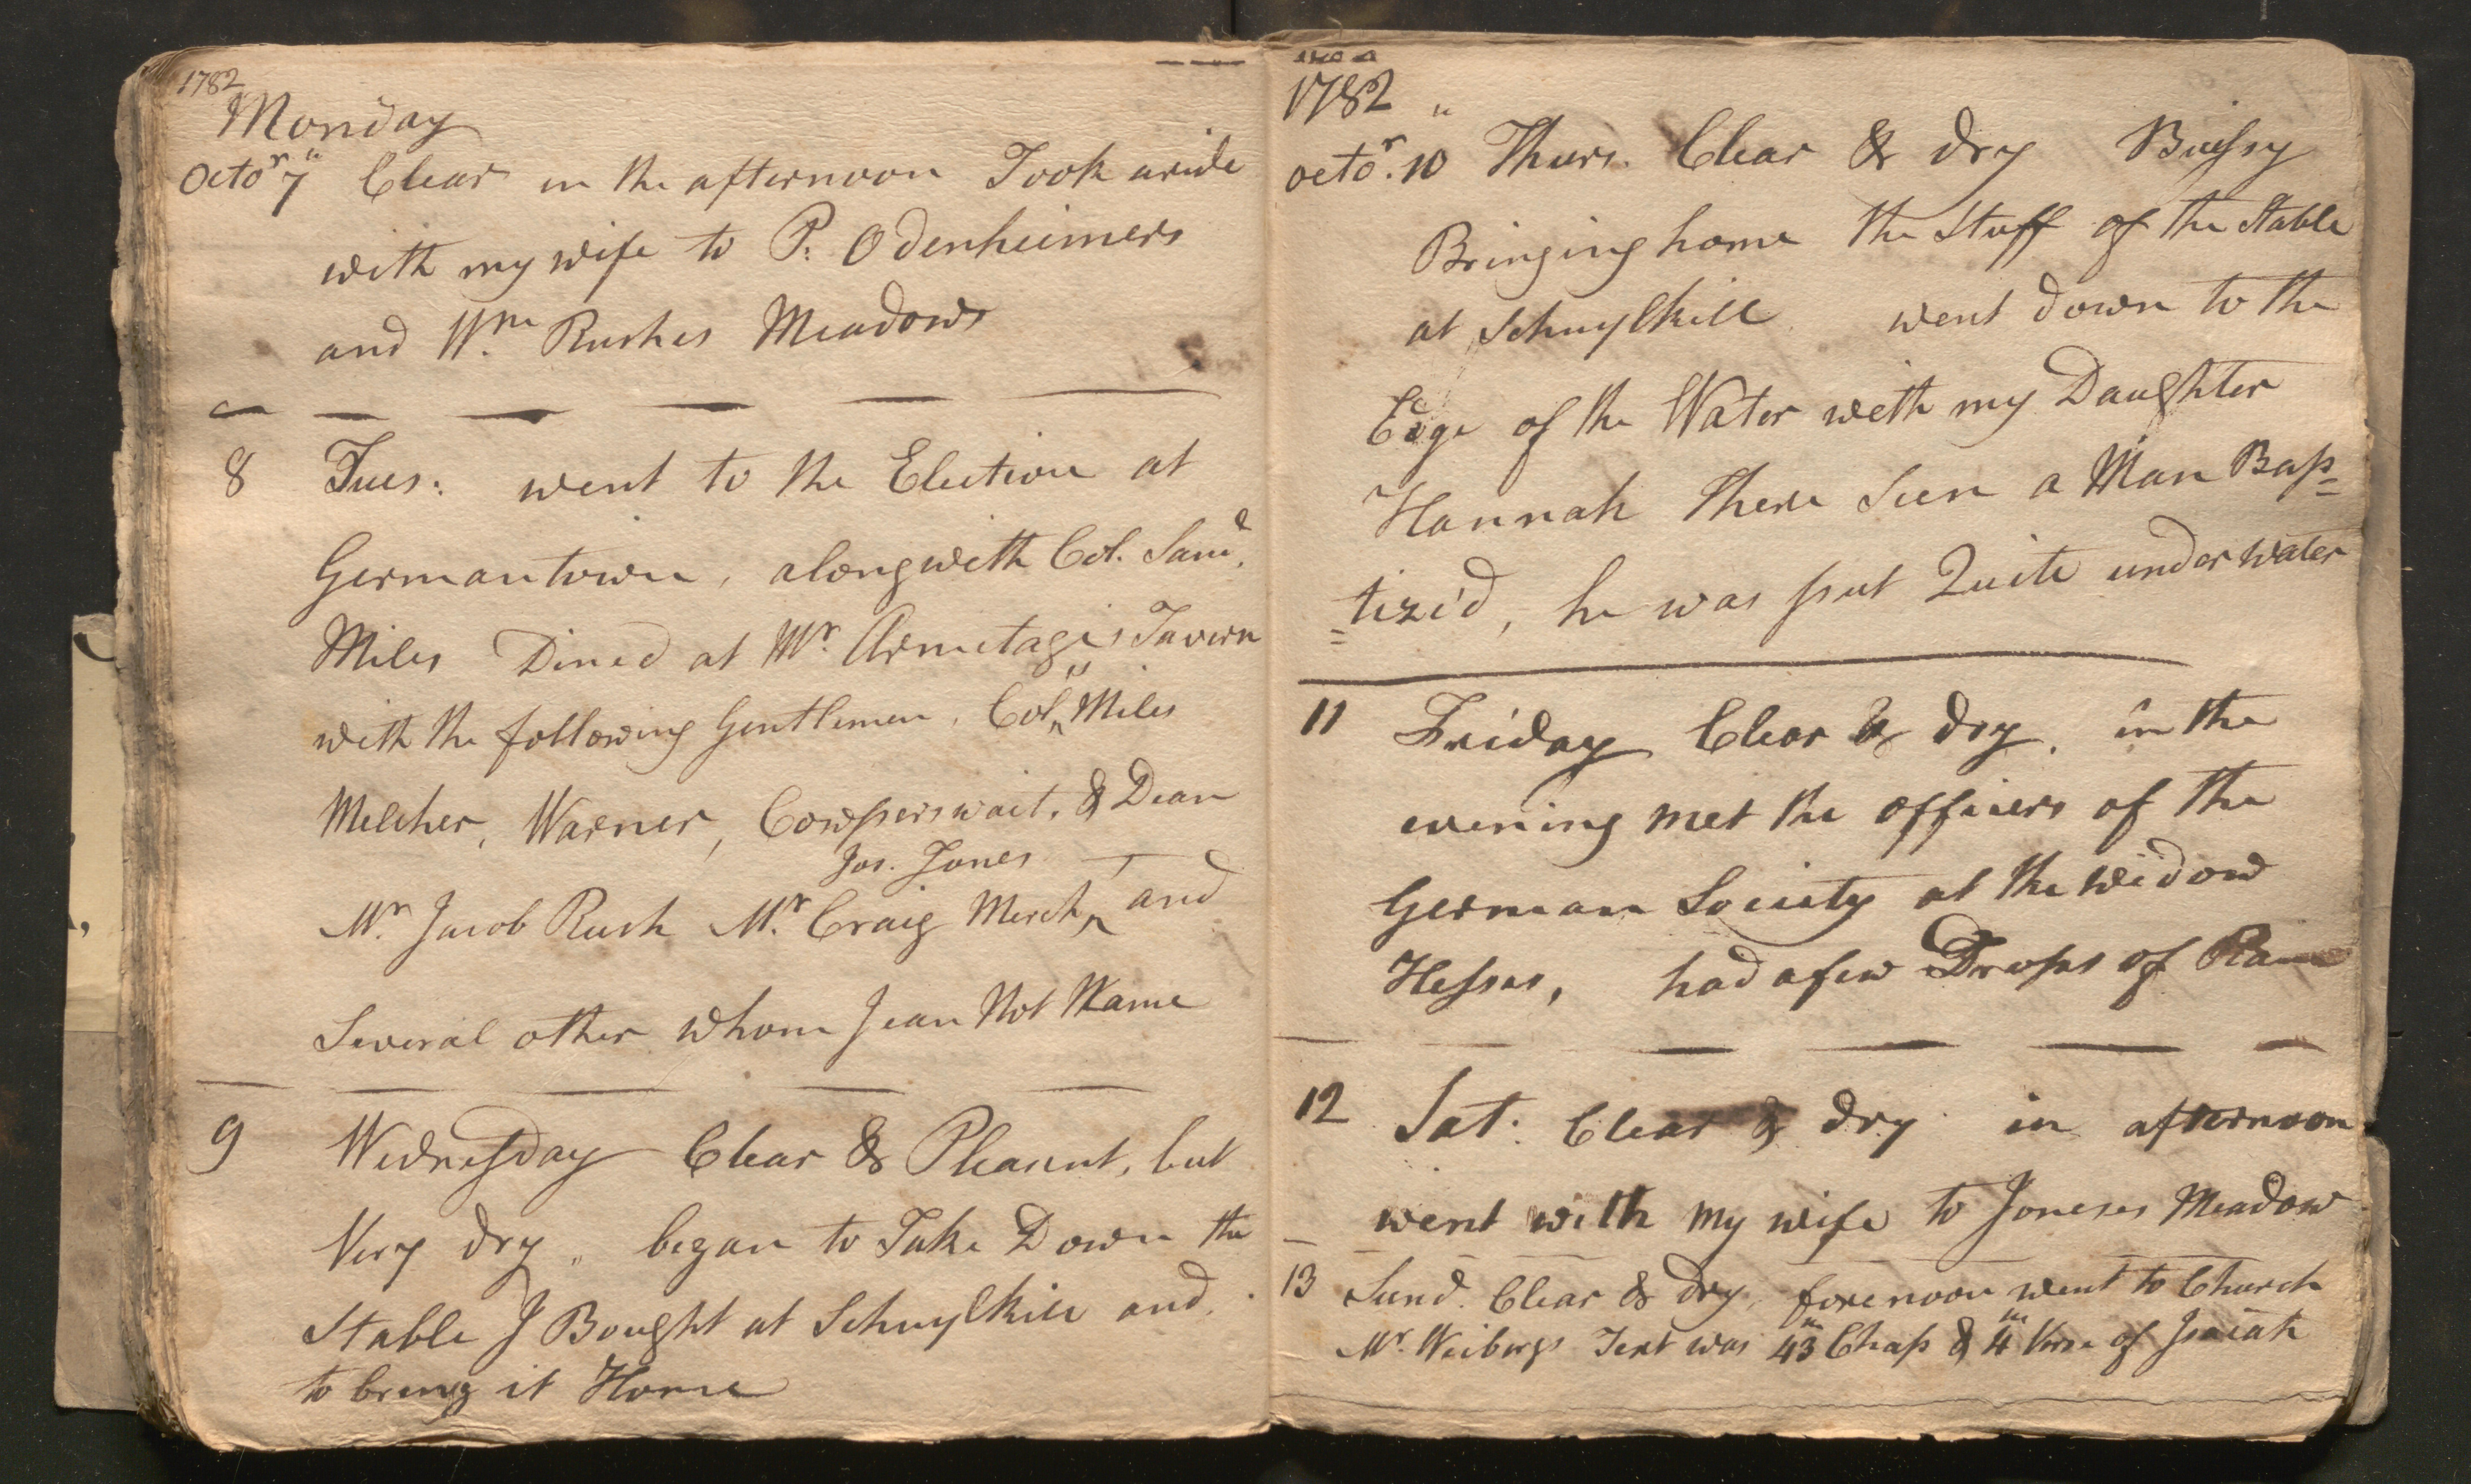1782
Monday
Octo^r 7^th Clear in the afternoon Took a ride
with my wife to P. Odenheimers
and W^m. Rushes Meadows
8 Tues. went to the Election at
Germantown, along with Col. Sam^l.
Miles Dined at M^r. Armitages Tavern
with the following Gentlemen. Col^ls. Miles
Melcher, Warner Cowperswait, & Dean
Jos. Jones
M^r. Jacob Rush M^r. Craig Merch^t, and
Several other whom I can Not Name
9 Wednesday Clear & Pleasent, but
Very dry, began to Take Down the
Stable I Bought at Schuylkill and
to bring it Home
1782
octo^r. 10 Thurs. Clear & dry Buissy
Bringing home the Stuff of the stable
at Schuylkill, went down to the
Edge of the Water with my Daughter
Hannah There seen a Man Bap-
-tize'd, he was put Quite under water
11 Friday, Clear & dry in the
evening met the officers of the
German Society at the Widow
Hesses, had a few Drops of Rain
12 Sat: Clear & dry. in afternoon
went with my wife to Joneses Meadow
13 Sund. Clear & dry, forenoon went to Church
M^r. Weibergs Text was 43^th Chap & 4^^th Verse of Isaiah